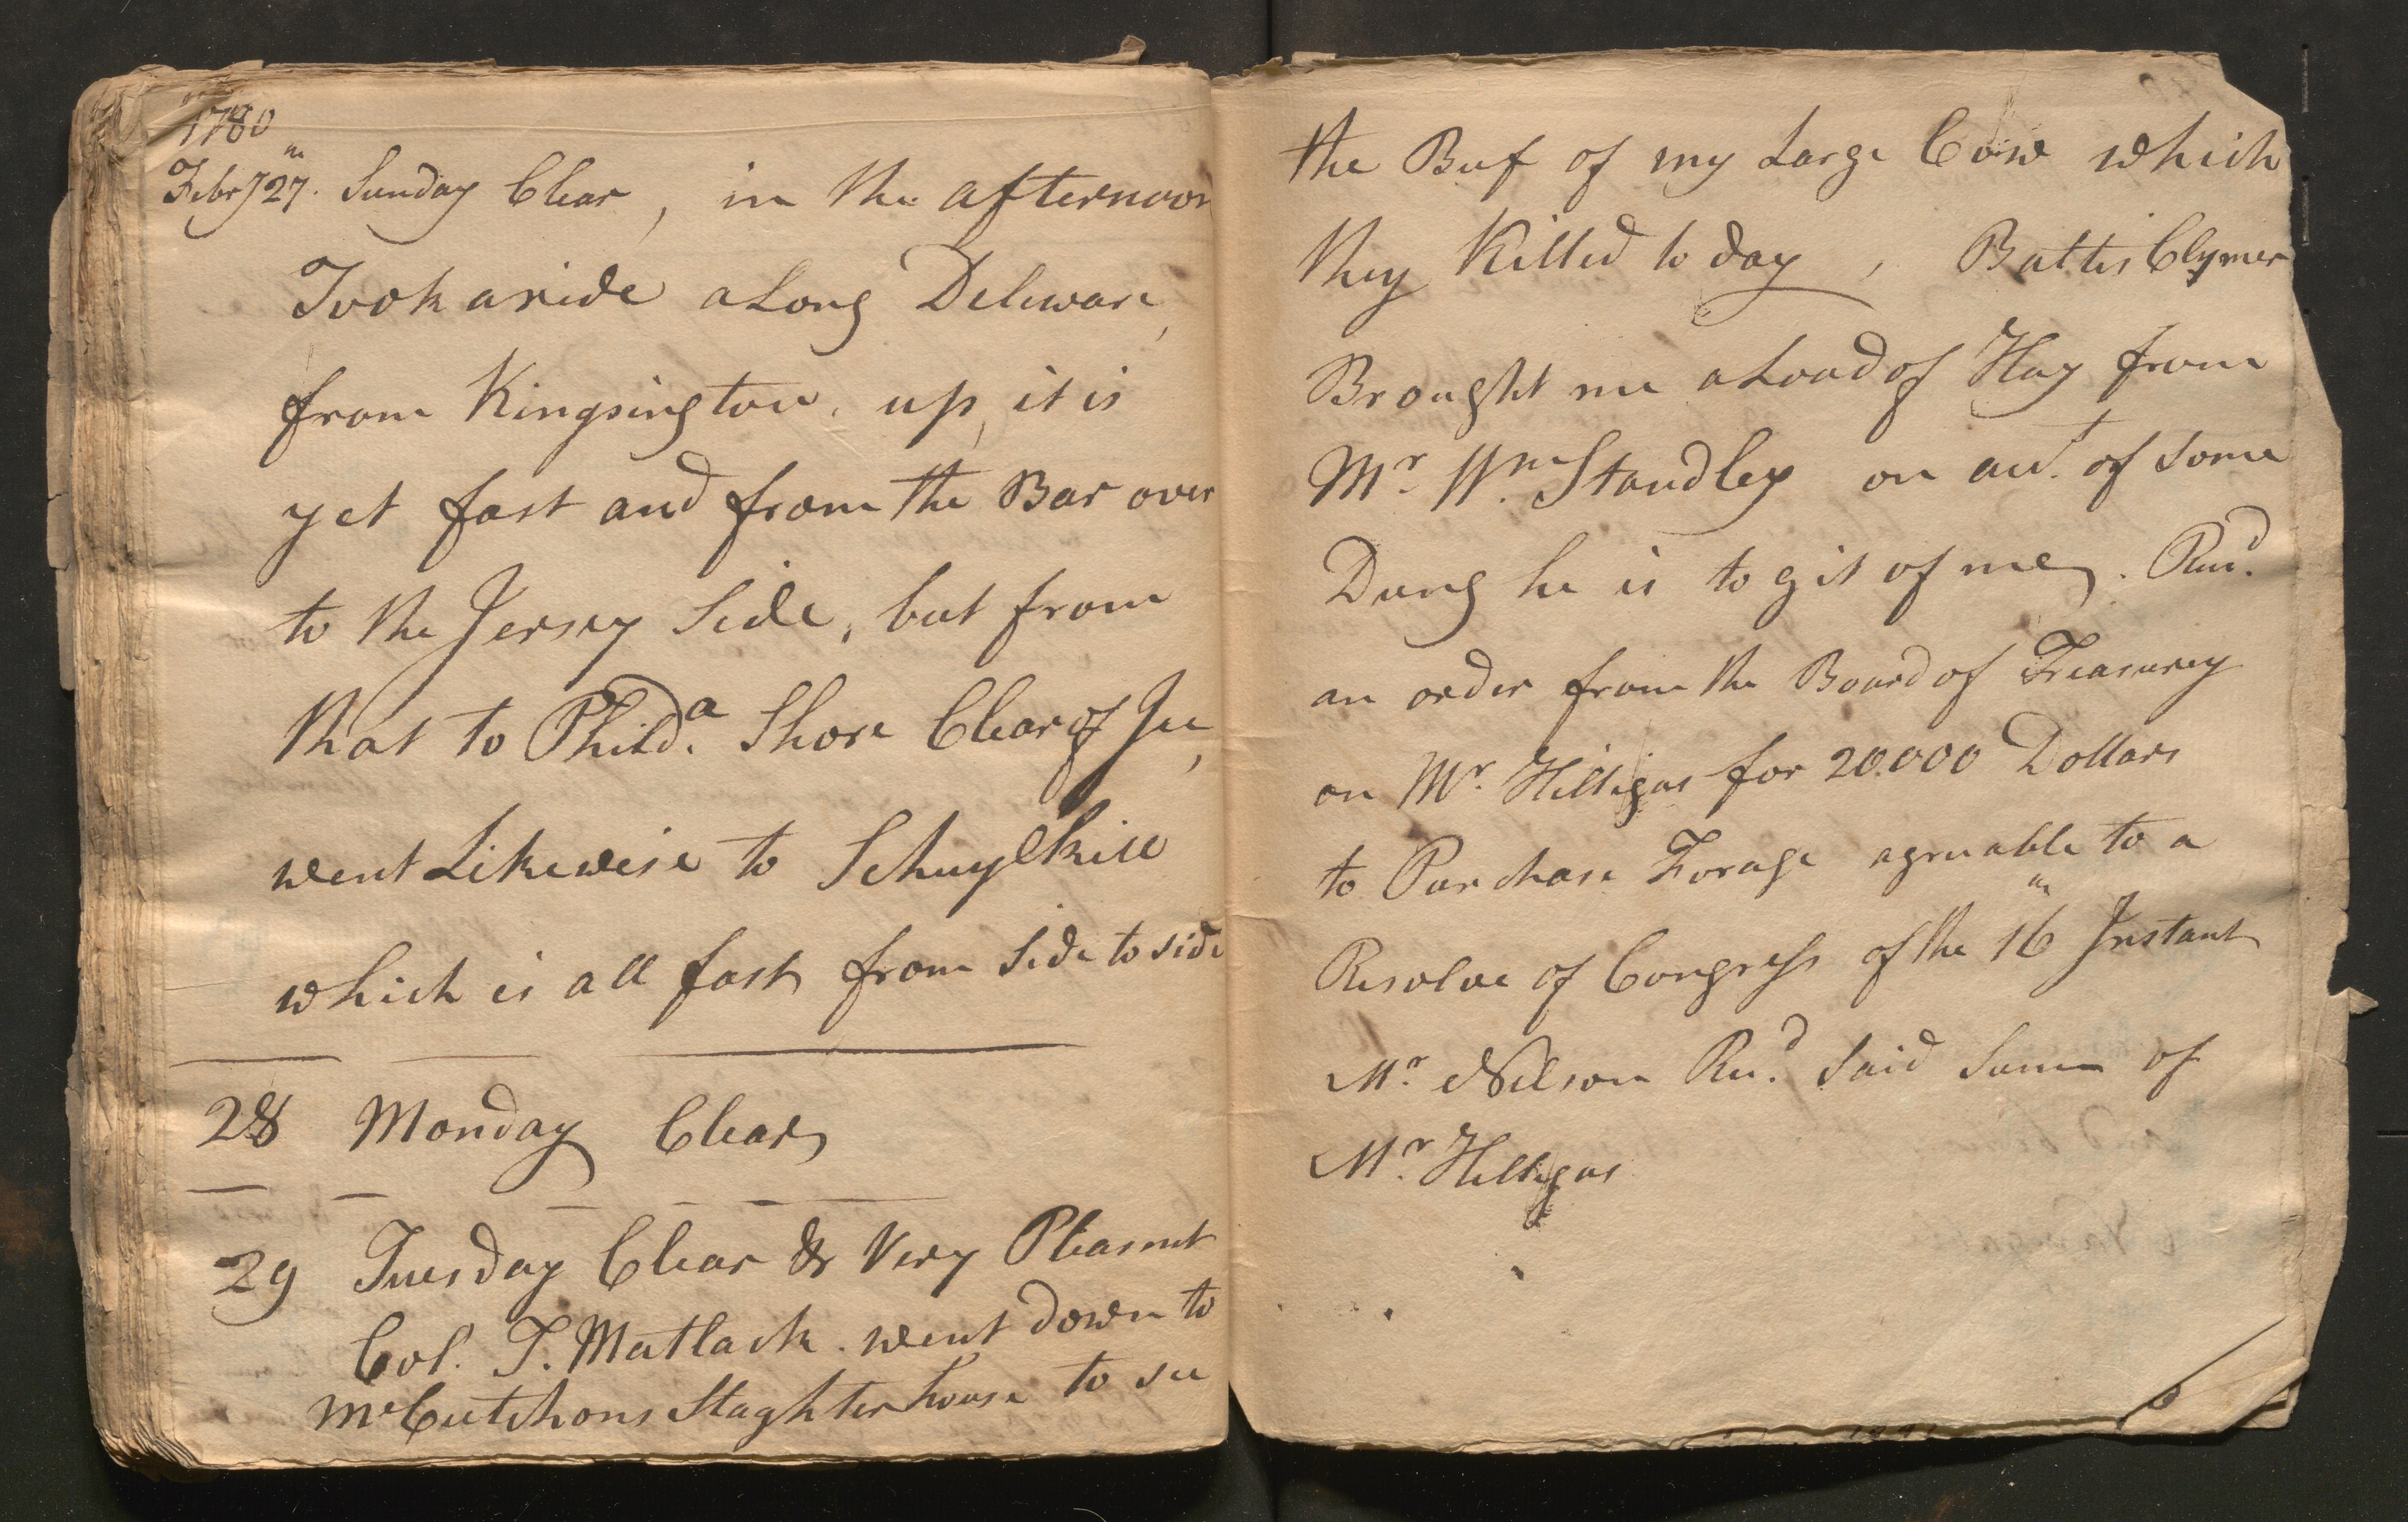1780
Febr^y 27^th. Sunday Clear, in the afternoon
Took a ride along Deleware,
from Kingsington, up it is
yet fast and from the Bar over
to the Jersey Side, but from
that to Phild^a. Shore Clear of Ice
went Likewise to Schuylkill
which is all fast from side to side
28 Monday Clear
29 Tuesday Clear & Very Pleasent
Col. T. Matlack went down to
M^o Cutchons Staghterhouse to see
the Beef of my Large Cow which
they Killed to day. Baltes Elymes
Brought me a Load of Hay from
M^r. W^m. Staudley, on acc^t. of some
Dung he is to git of me. Rec^d.
are order from the Board of Treasurey
on M^r. Hilligas for 20000 Dollars
to Purchase Forage agreeable to a
Resolve of Congress of the 16^th Instant
M^r. Nelson Rec^d. said sum of
M^r Hilligas